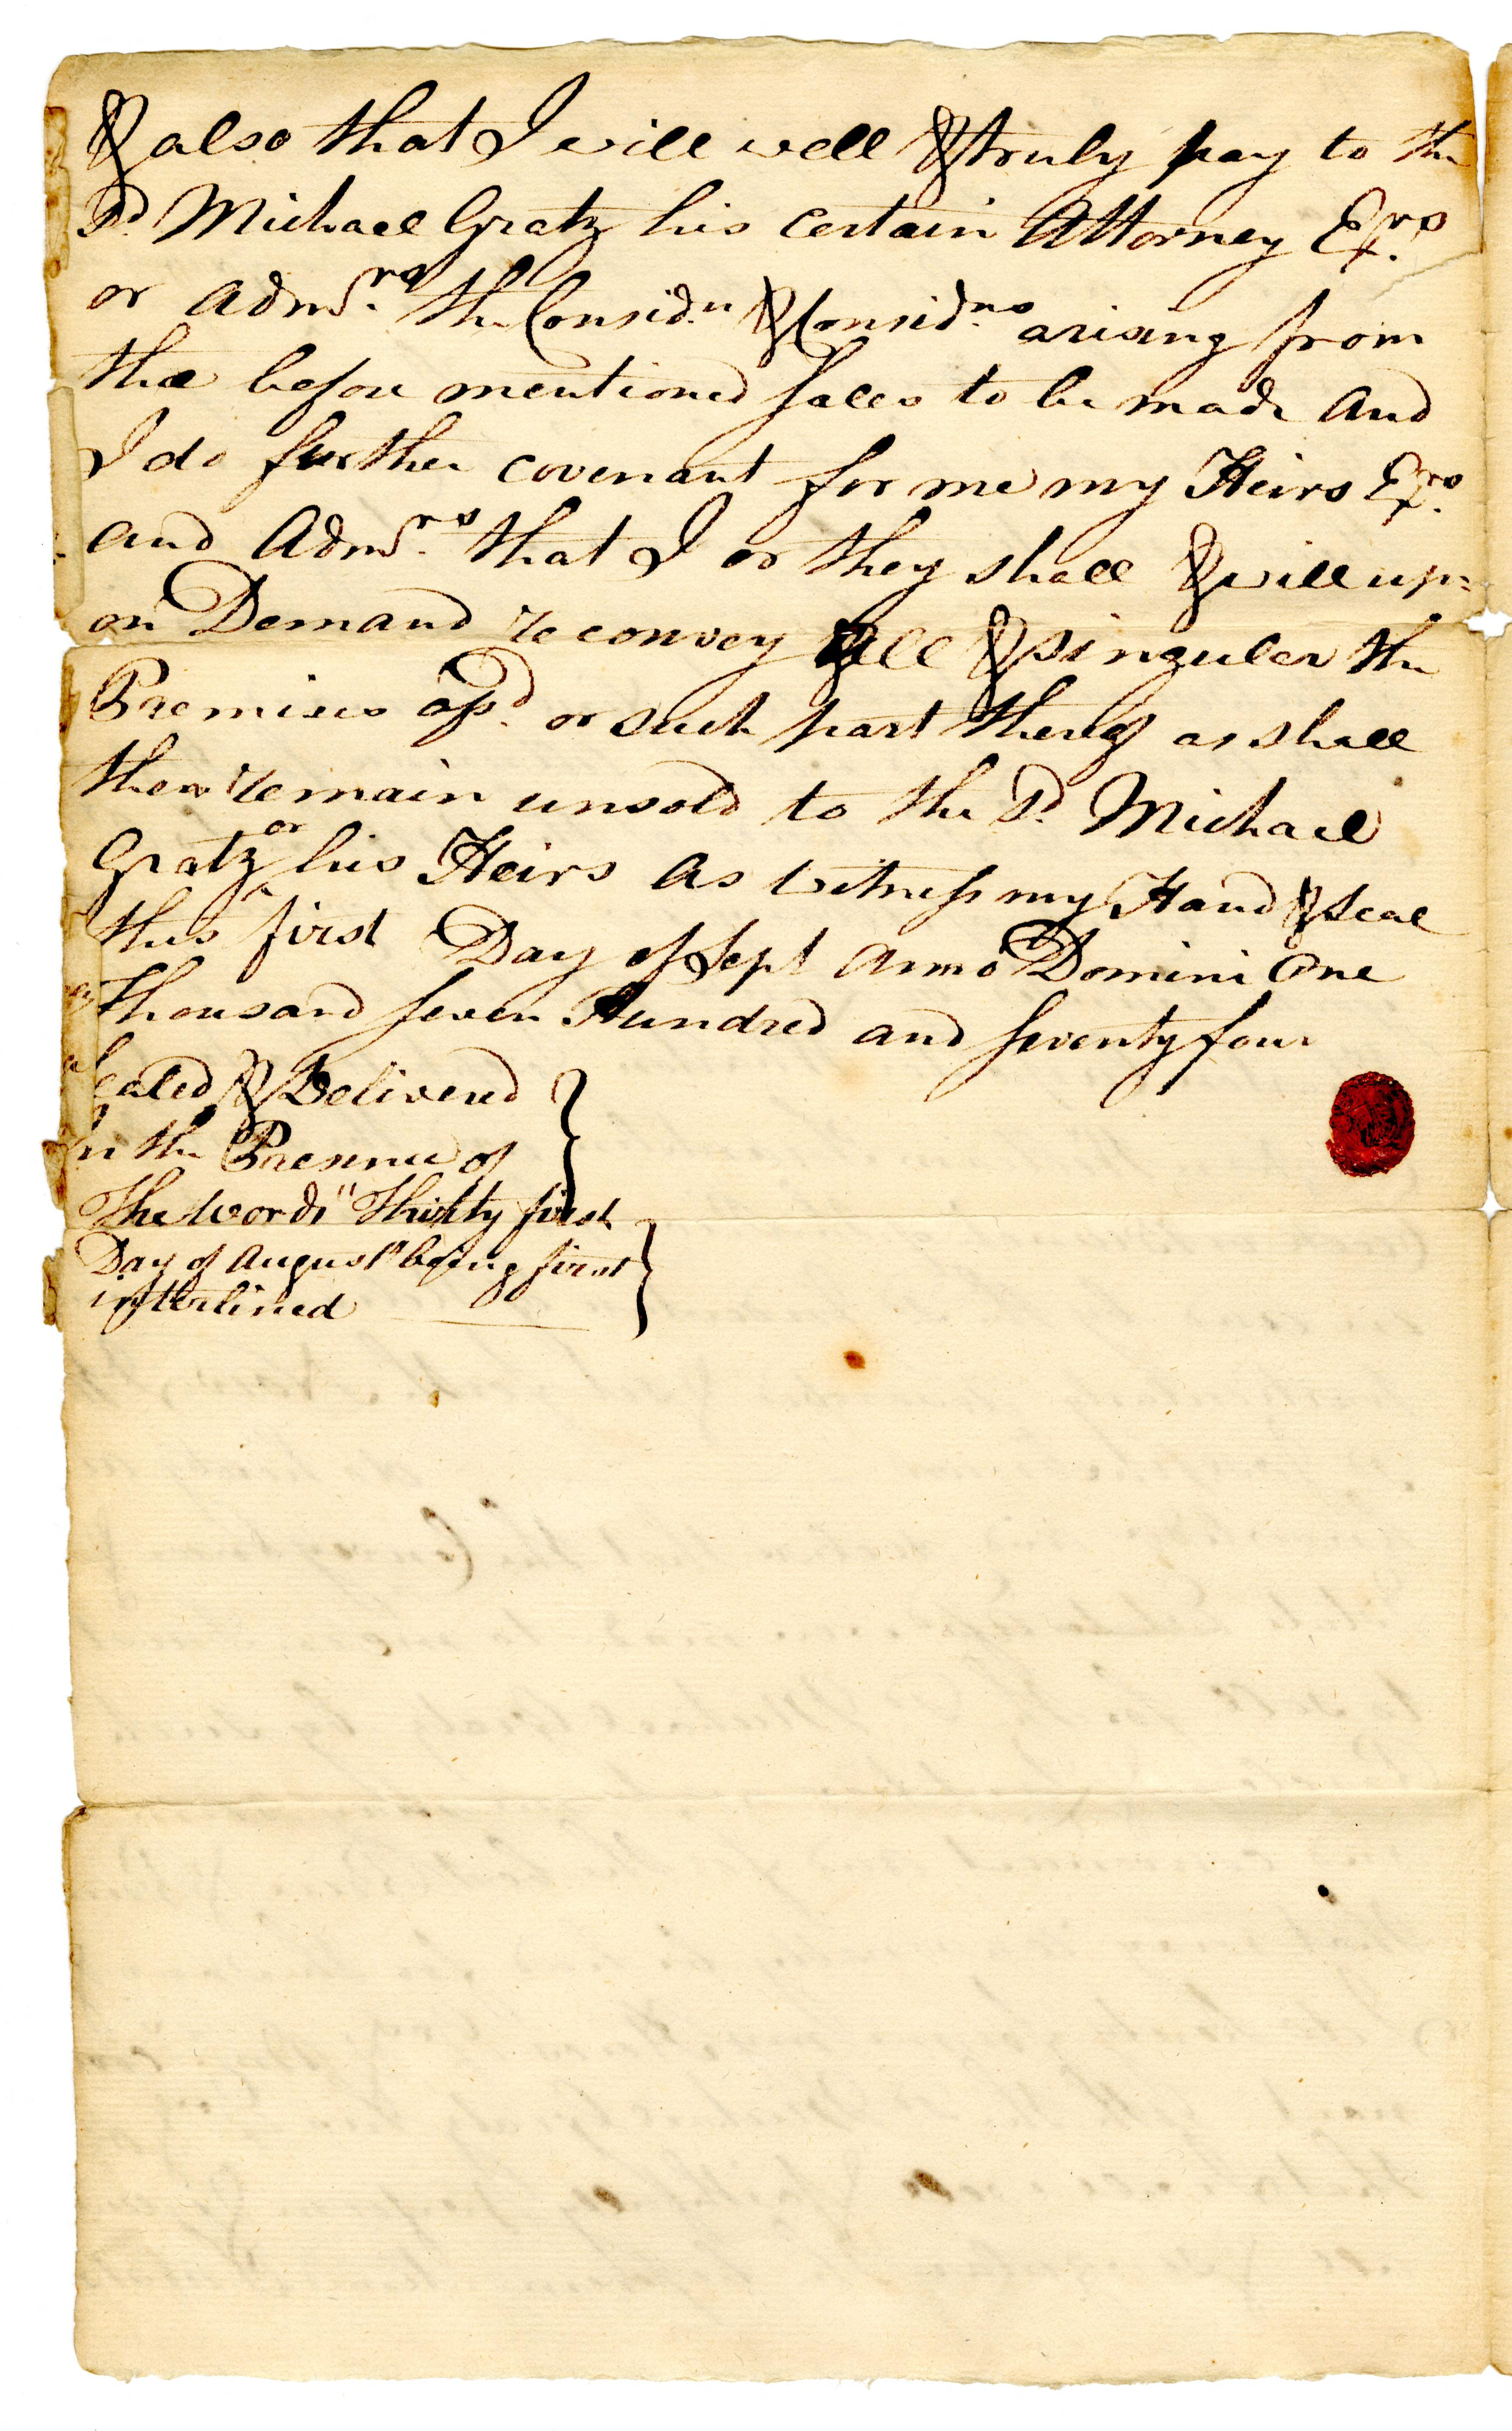& also that I will well & truly pay to the
s^d. Michael Gratz his certain Attorney Ex^rs.
or Adm^rs. the Consid^n & Consid^ns arising from
the before mentioned sales to be made and
I do further covenant for me my Heirs Ex^rs.
and Adm^rs. that I so they shall & will up
on Demand reconvey all & singuler the
Premises ass^d. or such part thereof as shall
then remain unsold to the s^d. Michael
Gratz ^or his Heirs as witness my Hand & seal
this first Day of Sept^r anno Domini One
Thousand Seven Hundred and seventy four
Sealed & Delieverd
in the Presence of
The Words "Thirty first
Day of August" Adding first
interlined